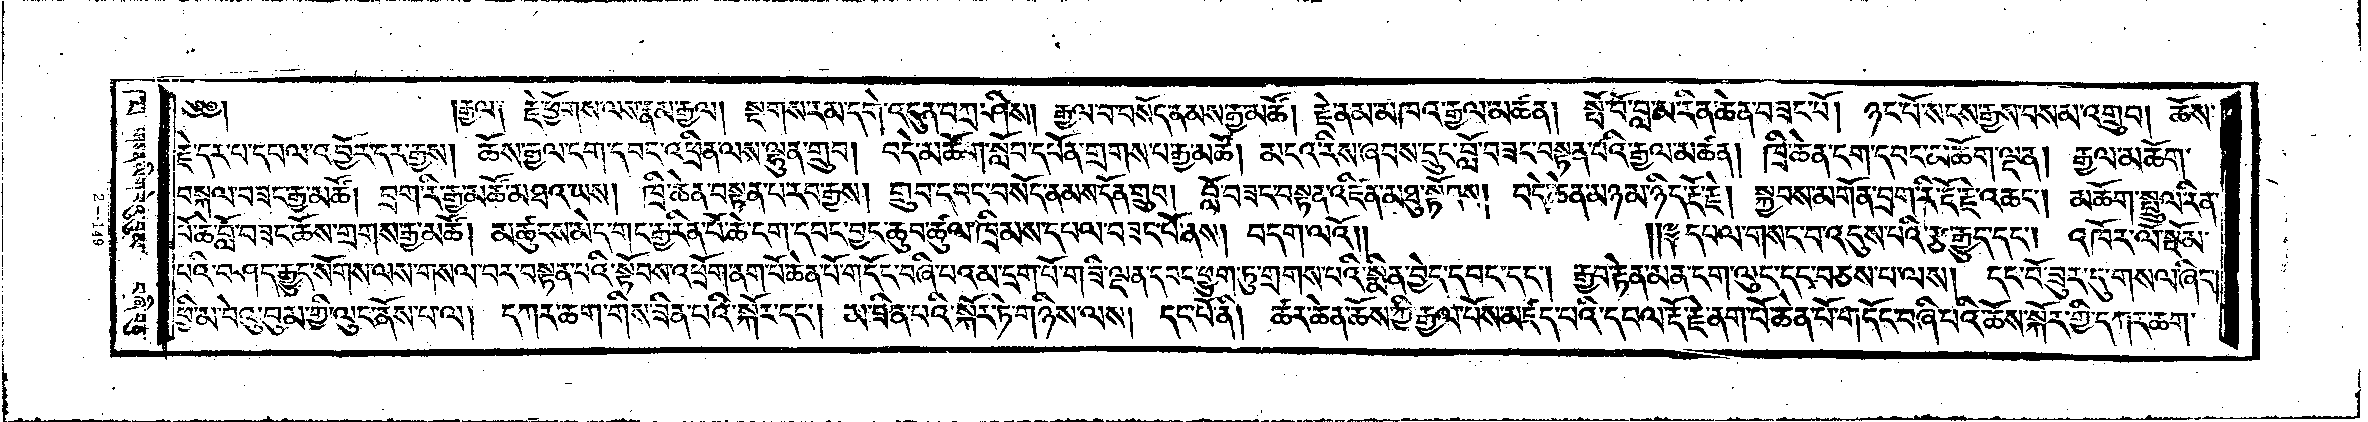༄༅། །རྒྱལ༑ རྗེ་ཕྱོགས་ལས་རྣམ་རྒྱལ། སྔགས་རམ་དགེ་འདུན་བཀྲ་ཤིས། རྒྱལ་བ་བསོད་ནམས་རྒྱ་མཚོ། རྗེ་ནམ་མཁའ་རྒྱལ་མཚན། སྤོ་བོ་བླ་མ་རིན་ཆེན་བཟང་པོ། ཉང་པོ་སངས་རྒྱས་བསམ་འགྲུབ། ཆོས་
རྗེ་དར་པ་དཔལ་འབྱོར་དར་རྒྱས། ཆོས་རྒྱལ་ངག་དབང་འཕྲིན་ལས་ལྷུན་གྲུབ། བདེ་མཆོག་སློབ་དཔོན་གྲགས་པ་རྒྱ་མཚོ། མངའ་རིས་ཞབས་དྲུང་བློ་བཟང་བསྟན་པའི་རྒྱལ་མཚན། ཁྲི་ཆེན་ངག་དབང་མཆོག་ལྡན། རྒྱལ་མཆོག་
བསྐལ་བཟང་རྒྱ་མཚོ། བྲག་རི་རྒྱ་མཚོ་མཐའ་ཡས། ཁྲི་ཆེན་བསྟན་པ་རབ་རྒྱས། གྲུབ་དབང་བསོད་ནམས་དོན་གྲུབ། བློ་བཟང་བསྟན་འཛིན་མཐུ་སྟོབས། བདེ་ཆེན་མཉམ་ཉིད་རྡོ་རྗེ། སྐྱབས་མགོན་བྲག་རི་རྡོ་རྗེ་འཆང་། མཆོག་སྤྲུལ་རིན་
པོ་ཆེ་བློ་བཟང་ཆོས་གྲགས་རྒྱ་མཚོ། མཚུངས་མེད་གང་རྒྱ་རིན་པོ་ཆེ་ངག་དབང་བྱང་ཆུབ་ཚུལ་ཁྲིམས་དཔལ་བཟང་པོ་ནས། བདག་ལའོ།། །།༈ དཔལ་གསང་བ་འདུས་པའི་རྩ་རྒྱུད་དང་། འཁོར་ལོ་སྡོམ་
པའི་བཤད་རྒྱུད་སོགས་ལས་གསལ་བར་བསྟན་པའི་སྟོབས་འཕྲོག་ནག་པོ་ཆེན་པོ་གདོང་བཞི་པའམ་དྲག་པོ་གཟི་ལྡན་དབང་ཕྱུག་ཏུ་གྲགས་པའི་སྨིན་བྱེད་དབང་དང་། རྒྱབ་རྟེན་མན་ངག་ལུང་དང་བཅས་པ་ལས། དབང་པོ་ཟུར་དུ་གསལ་ཞིང་།
ཕྱི་མ་བེའུ་བུམ་གྱི་ལུང་ནོས་པ་ལ། དཀར་ཆག་གིས་ཟིན་པའི་སྐོར་དང་། མ་ཟིན་པའི་སྐོར་ཏེ་གཉིས་ལས། དང་པོ་ནི། ཚར་ཆེན་ཆོས་ཀྱི་རྒྱལ་པོས་མཛད་པའི་དཔལ་རྡོ་རྗེ་ནག་པོ་ཆེན་པོ་གདོང་བཞི་པའི་ཆོས་སྐོར་གྱི་དཀར་ཆག་